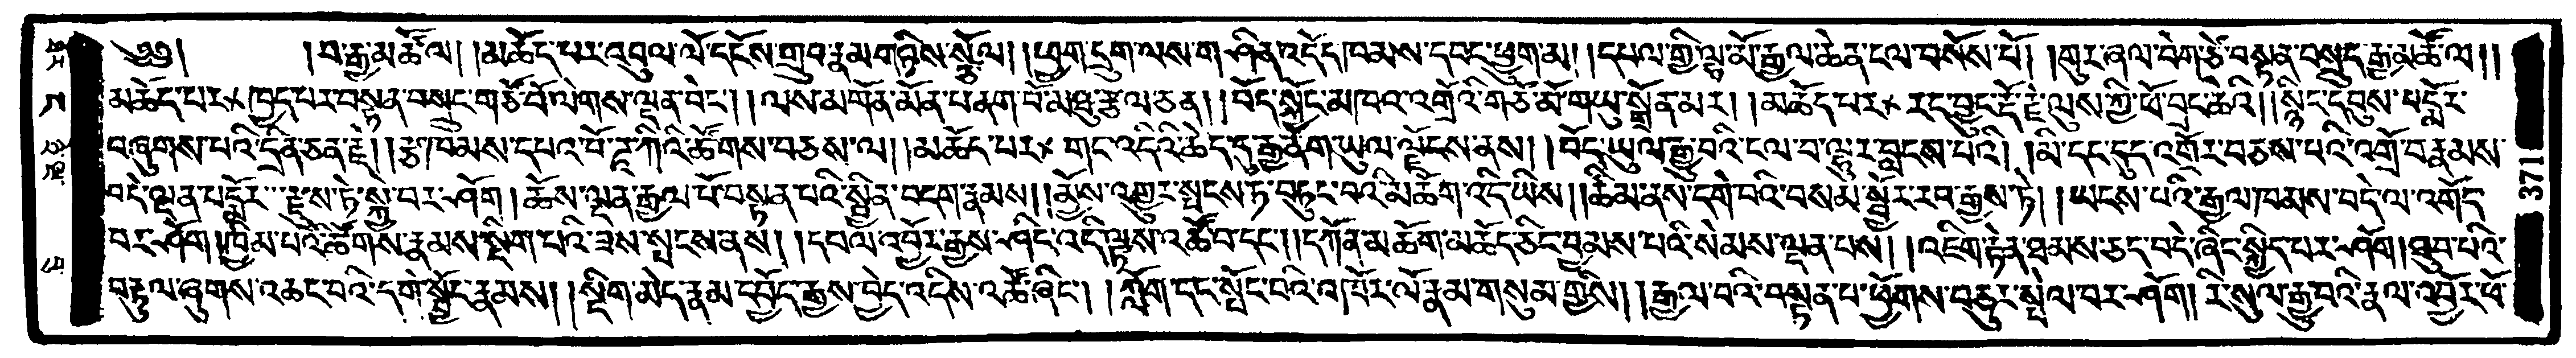༄༅། །བ་རྒྱ་མཚོལ། །མཆོད་པར་འབུལ་ལོ་དངོས་གྲུབ་རྣམ་གཉིས་སྩོལ། །ཕྱག་དྲུག་ལས་གཤིན་འདོད་ཁམས་དབང་ཕྱུག་མ། །དཔལ་གྱི་ལྷ་མོ་རྒྱལ་ཆེན་ངལ་བསོས་པོ། །གུར་ཞལ་བེག་ཙེ་བསྟན་བསྲུང་རྒྱ་མཚོ་ལ། །
མཆོད་པར་{྾}་ཁྱད་པར་བསྟན་བསྲུང་གཙོ་བོ་ལེགས་ལྡན་བེང་། །ལས་མགོན་མོན་པ་ནག་པོ་མཐུ་རྩལ་ཅན། །བོད་སྐྱོང་མཁའ་འགྲོའི་གཙོ་མོ་གཡུ་སྒྲོན་མར། །མཆོད་པར་{྾}་རང་བྱུང་རྡོ་རྗེ་ལུས་ཀྱི་ཕོ་བྲང་ཆེའི། །སྙིང་དབུས་པདམོར་
བཞུགས་པའི་དྲིན་ཅན་རྗེ། །རྩ་ཁམས་དཔའ་བོ་ཌཱ་ཀིའི་ཚོགས་བཅས་ལ། །མཆོད་པར་{྾}་གང་འདིའི་ཆེད་དུ་རྒྱ་ནག་ཡུལ་ལྗོངས་ནས། །བོད་ཡུལ་རྒྱུ་བའི་ངལ་བ་ལྷུར་བླངས་པའི། །མི་དང་དུད་འགྲོར་བཅས་པའི་འགྲོ་བ་རྣམས་
བདེ་ལྡན་པདམོར་རྫུས་ཏེ་སྐྱེ་བར་ཤོག །ཆོས་ལྡན་རྒྱལ་པོ་བསྟན་པའི་སྦྱིན་བདག་རྣམས། །མྱོས་འགྱུར་སྤངས་ཏ་བཏུང་བའི་མཆོག་འདི་ཡིས། །ཚིམ་ནས་དགེ་བའི་བསམ་སྦྱོར་རབ་རྒྱས་ཏེ། །ཡངས་པའི་རྒྱལ་ཁམས་བདེ་ལ་འགོད་
བར་ཤོག །ཁྱིམ་པའི་ཚོགས་རྣམས་སྡིག་པའི་ཟས་སྤངས་ནས། །དཔལ་འབྱོར་རྒྱས་ཤིང་འདི་ལྟས་འཚོ་བ་དང་། །དཀོན་མཆོག་མཆོད་ཅིང་བྱམས་པའི་སེམས་ལྡན་པས། །འཇིག་རྟེན་ཐམས་ཅད་བདེ་ཞིང་སྐྱིད་པར་ཤོག །ཐུབ་པའི་
བརྟུལ་ཞུགས་འཆང་བའི་དགེ་སྦྱོང་རྣམས། །སྡིག་མེད་རྣམ་དཔྱོད་རྒྱས་བྱེད་འདིས་འཚོ་ཞིང་། །ཀློག་དང་སྤོང་བའི་འཁོར་ལོ་རྣམ་གསུམ་གྱིས། །རྒྱལ་བའི་བསྟན་པ་ཕྱོགས་བཅུར་སྤེལ་བར་ཤོག །རི་སུལ་རྒྱུ་བའི་རྣལ་འབྱོར་ཕོ་